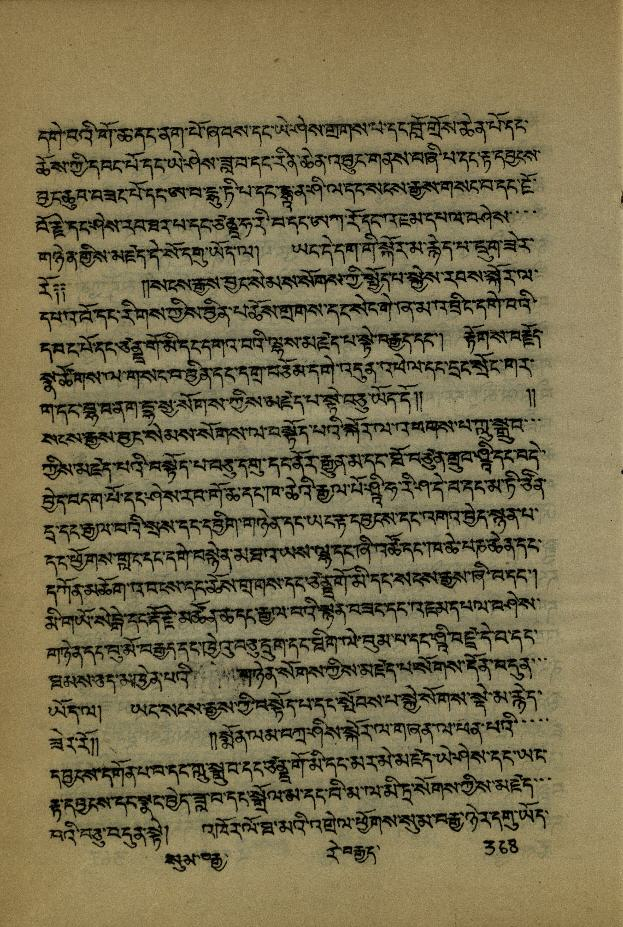དགེ་བའི་གོ་ཆ་དང་ནག་པོ་ཞབས་དང་ཡེ་ཤེས་གྲགས་པ་དང་བློ་གྲོས་ཆེན་པོ་དང་
ཆོས་ཀྱི་དབང་པོ་དང་ཡེ་ཤེས་ཟླ་བ་དང་རིན་ཆེན་འབྱུང་གནས་བཞི་པ་དང་རྟ་དབྱངས་
བྱང་ཆུབ་བང་པོ་དང་ཨ་བ་དྷུ་ཏི་པ་དང་དྷཱ་ན་ཤི་ལ་དང་སངས་རྒྱས་གསང་བ་དང་ཇོ་
བོ་རྗེ་དང་ཤེས་རབ་ཐར་པ་དང་ཙནྡྲ་ཧ་རི་བ་དང་འཇམ་དཔལ་བཤེས་
གཉེན་གྱིས་མཛད་དེ་སོ་དགུ་ཡོད་ལ། ཡང་དེ་དག་གི་སྐོར་མ་རྙེད་པ་དྲུག་ཟེར་
རོ༑༑ ༑༑སངས་རྒྱས་བྱང་སེམས་སོགས་ཀྱི་སྤྱོད་པ་སྐྱེས་རབས་སྐོར་ལ་
དཔའ་བོ་དང་རིགས་ཀྱིས་བྱིན་པ་ཆོས་གྲགས་དང་སེང་གེ་ཞ་མ་འབྲིང་དགེ་པའི་
དབང་པོ་དང་ཙནྡྲ་གོ་མི་དང་དགའ་བའི་ལྷས་མཛེད་པ་སྟེ་བརྒྱད་དང་། རྟོགས་བརྗོད་
སྣ་ཚོགས་ལ་གསང་བ་བྱིན་དང་དགྲ་བཅོམ་དགེ་འདུན་འཕེལ་དང་དྲང་སྲོང་གར་
ག་དང་བྷ་བ་ནག་དྷ་སྱ་སོགས་ཀྱིས་མཛད་པ་སྟེ་བཅུ་ཡོད་དོ།། །།
སངས་རྒྱས་བྱང་སེམས་སོགས་ལ་བསྟོད་པའི་སྐོར་ལ་འཕགས་པ་ཀླུ་སྒྲུབ་
ཀྱིས་མཛད་པའི་བསྟོད་པ་བཅུ་དགུ་དང་ནོར་རྒྱུན་མ་དང་ཐོ་བཙུན་གྲུབ་ཤྲཱི་དང་བདེ་
བྱེད་བདག་པོ་དང་ཤེས་རབ་གོ་ཆ་དང་ཁ་ཆེའི་རྒྱལ་པོ་ཤྲཱི་ཧ་རི་ཤ་དེ་བ་དང་མ་ཏི་ཙིན་
དྲ་དང་རྒྱལ་པའི་སྲས་དང་དབྱིག་གཉེན་དང་ཡང་རྟ་དབྱངས་དང་འགའ་བྱེད་སྙན་པ་
དང་ཕྱོགས་གླང་དང་དགེ་བསྙེན་མཐའ་ཡས་ལྷ་དང་ཞི་འཚོ་དང་ཁ་ཆེ་པཎ་ཆེན་དང་
དཀོན་མཆོག་འ་བ་ངས་དང་ཆོས་གྲགས་དང་ཙནྡྲ་གོ་མི་དང་སངས་རྒྱས་ཞི་བ་དང་།
མི་གཡོ་སེངྒེ་དང་རྡོ་རྗེ་མཚོན་ཆ་དང་རྒྱལ་པའི་སྙན་བཟང་དང་འཇམ་དཔལ་བཤེས་
གཉེན་དང་བུ་མོ་བརྒྱད་དང་ཁྱེའུ་བཅུ་དྲུག་དང་ཐིག་ལེ་བུམ་པ་དང་ཤྲཱི་བཛྲ་དེ་བ་དང་
ཐམས་ཅད་མཁྱེན་པའི་དེ་གཉེན་སོགས་ཀྱིས་མཛད་པ་སོགས་དོན་བདུན་
ཡོད་ལ། ཡང་སངས་རྒྱས་ཀྱི་བསྟོད་པ་དང་སྤྲས་པ་སྐྱེ་སོགས་སྡེ་མ་རྙེད་
ཟེར་རོ།། །།སྨོན་ལམ་བཀྲ་ཤིས་སྐོར་ལ་གཞན་ལ་ཕན་པའི་
དབྱངས་དགོན་པ་བ་དང་ཀླུ་སྒྲུབ་དང་ཙནྡྲ་གོ་མི་དང་མར་མེ་མཛད་ཡེ་ཤེས་དང་ཡང་
རྟ་དབྱངས་དང་སྣང་བྱེད་ཟླ་བ་དང་སྒྲོལ་མ་དང་བི་མ་ལ་མི་ཏྲ་སྟོས་ཀྱིས་མཛད་
བའི་བཅུ་བདུན་སྟེ། འཁོར་ལོ་ཐ་མའི་འགྲེལ་ཕྱོགས་སུམ་བརྒྱ་ཉེར་དགུ་ཡོད་